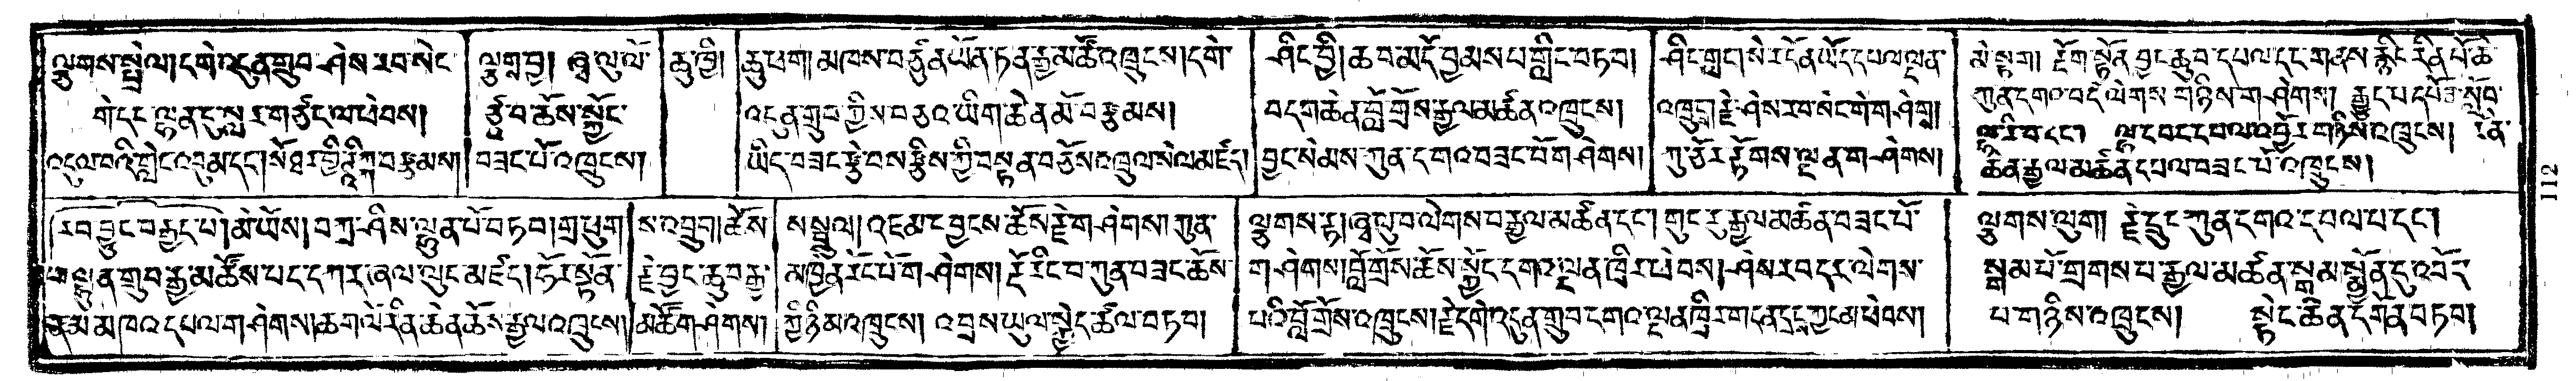ལྕགས་སྤྲེ། དགེ་འདུན་གྲུབ་ཤེས་རབ་སེང་། ལྕགས་བྱ། ཞྭ་ལུ་ལོ། ཆུ་ཁྱི། ཆུ་ཕག། མཁས་བཙུན་ཡོན་ཏན་རྒྱ་མཚོ་འཁྲུངས། དགེ། ཤིང་བྱི། ཆབ་མདོ་བྱམས་པ་གླིང་བཏབ། ཤིང་གླང་། སེར་དོན་ཡོད་དཔལ་ལྡན། མེ་སྟ། རྡོག་སྟོང་བྱང་ཆུབ་དཔལ་དན་གནས་རྙིང་རིན་པོ་ཆེ་
གེ་དང་ལྷན་དུ་སླར་གཙང་ལ་ཕེབས། ཙཱ་བ་ཆོས་སྐྱོང་། འདུན་གྲུབ་ཀྱིས་བཅའ་ཡིག་ཆེན་མོ་བརྩམས། བདག་ཆེན་བློ་གྲོས་རྒྱལ་མཚན་འཁྲུངས། འཁྲུངས། རྗེ་ཤེས་རབ་སེང་གེ་གཤེགས། ཀུན་དགའ་བདེ་ལེགས་གཉིས་གཤེགས། རྒྱུད་པ་དཔོན་སློབ་
འདུལ་བའི་གླེང་འབུམ་དང་སོ་ཐར་གྱི་ཊཱི་ཀྐ་བརྩམས། བཟང་པོ་འཁྲུངས། །ཡིད་བཟང་རྩེ་བས་རྩིས་ཀྱི་བསྟན་བཅོས་འཁྲུལ་སེལ་མཛད། བྱང་སེམས་ཀུན་དགའ་བཟང་པོ་གཤེགས། ཀུ་ཅོར་རྟོགས་ལྡན་གཤེགས། ཆིན་རྒྱལ་མཚན་དཔལ་བཟང་པོ་འཁྲུངས།
རབ་བྱུང་བརྒྱད་པ།  མེ་ཡོས། བཀྲ་ཤིས་ལྷུན་པོ་བཏབ། གྲ་ཕུག། ས་འབྲུག། ཆོས། ས་སྤྲུལ། འཇམ་དབྱངས་ཆོས་རྗེ་གཤེགས། ཀུན། །ལྕགས་སྟ། ཞྭ་ལུ་བ་ལེགས་བརྒྱལ་མཚན་དང་། གུང་རུ་རྒྱལ་མཚན་བཟང་པོ། ལྕགས་ལུག། རྗེ་དྲུང་ཀུན་དགའ་དཔལ་པ་དང་།
བ་ལྷུང་གྲུབ་རྒྱ་མཚོས་པད་དཀར་ཞལ་ལུང་མཛད། ཧོར་སྟོན། རྗེ་བྱང་ཆུབ་རྒྱ། མཁྱེན་རོང་པོ་གཤེགས། རྡོ་རིང་བཀུན་བཟང་ཆོས། གཤེགས་བློ་གྲོས་ཤོས་སྐྱོང་དགའ་ལྡན་ཁྲིར་ཕེབས། ཤེས་རབ་དར་ལེགས། སྒམ་པོ་གྲགས་པ་རྒྱལ་མཚན་སྒམ་སྨྱོན་དུ་འབོད་
ནམ་མཁའ་དཔལ་གཤེགས། ཆག་ལོ་རིན་ཆེན་ཆོས་རྒྱལ་འཁྲུངས། མཚོ་གཤེགས། ཀྱི་ཉིམ་འཁྲུངས། འབྲས་ཡུལ་སྐྱེད་ཚལ་བཏབ། པའི་བློ་གྲོས་འཁྲུངས་རྗེ་དགེ་འདུན་གྲུབ་དགའ་ལྡན་ཁྲིར་གདན་དངས་ཀྱང་མ་ཕེབས། པ་གཉིས་འཁྲུངས། སྟེང་ཆེན་དགོན་བཏབ་